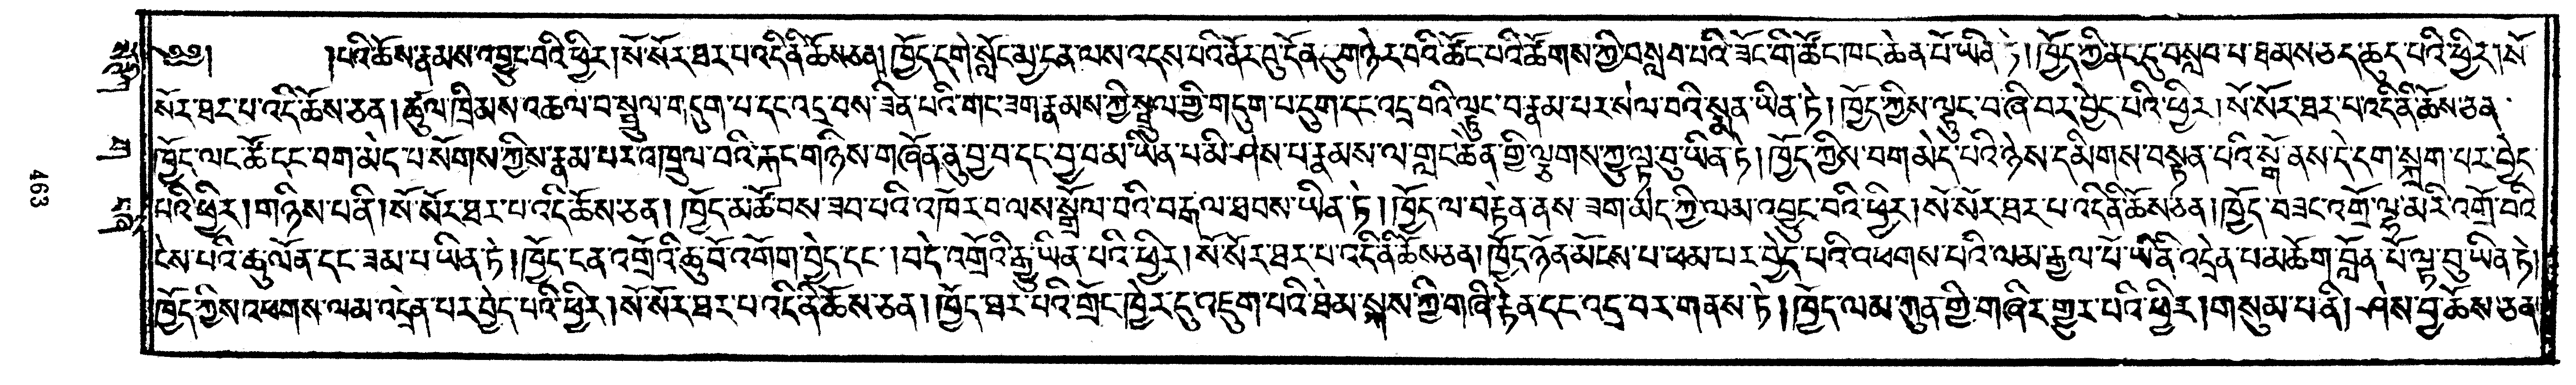༄༅། །པའི་ཆོས་རྣམས་འབྱུང་བའི་ཕྱིར། སོ་སོར་ཐར་པ་འདི་ནི་ཆོས་ཅན། ཁྱོད་དགེ་སློང་མྱ་ངན་ལས་འདས་པའི་ནོར་བུ་དོན་དུ་གཉེར་བའི་ཚོང་པའི་ཚོགས་ཀྱི་བསླབ་པའི་ཟོང་གི་ཚོང་ཁང་ཆེན་པོ་ཡིན་ཏེ། ཁྱོད་ཀྱི་ནང་དུ་བསླབ་པ་ཐམས་ཅད་ཆུད་པའི་ཕྱིར། སོ་
སོར་ཐར་པ་འདི་ཆོས་ཅན། ཚུལ་ཁྲིམས་འཆལ་བ་སྦྲུལ་གདུག་པ་དང་འདྲ་བས་ཟིན་པའི་གང་ཟག་རྣམས་ཀྱི་སྦྲུལ་གྱི་གདུག་པ་དུག་དང་འདྲ་བའི་ལྟུང་བ་རྣམ་པར་སེལ་བའི་སྨན་ཡིན་ཏེ། ཁྱོད་ཀྱིས་ལྟུང་བཞི་བར་བྱེད་པའི་ཕྱིར་།སོ་སོར་ཐར་པ་འདི་ནི་ཆོས་ཅན་
ཁྱོད་ལང་ཚོ་དང་བག་མེད་པ་སོགས་ཀྱིས་རྣམ་པར་འཁྲུལ་བའི་རྐང་གཉིས་གཞོན་ནུ་བྱ་བ་དང་བྱ་བ་མ་ཡིན་པ་མི་ཤེས་པ་རྣམས་ལ་གླང་ཆེན་གྱི་ལྕགས་ཀྱུ་ལྟ་བུ་ཡིན་ཏེ། ཁྱོད་ཀྱིས་བག་མེད་པའི་ཉེས་དམིགས་བསྟན་པའི་སྒོ་ནས་དེ་དག་སྐྲག་པར་བྱེད་
པའི་ཕྱིར། གཉིས་པ་ནི། སོ་སོར་ཐར་པ་འདི་ཆོས་ཅན། ཁྱོད་མཚོ་བས་ཟབ་པའི་འཁོར་བ་ལས་སྒྲོལ་བའི་བརྒལ་ཐབས་ཡིན་ཏེ་།ཁྱོད་ལ་བརྟེན་ནས་ཟག་མེད་ཀྱི་ལམ་འབྱུང་བའི་ཕྱིར། སོ་སོར་ཐར་པ་འདི་ནི་ཆོས་ཅན། ཁྱོད་བཟང་འགྲོ་ལྷ་མིར་འགྲོ་བའི་
ངེས་པའི་ཆུ་ལོན་དང་ཟམ་པ་ཡིན་ཏེ་།ཁྱོད་ངན་འགྲོའི་ཆུ་བོ་འགོག་བྱེད་དང་། བདེ་འགྲོའི་རྒྱུ་ཡིན་པའི་ཕྱིར། སོ་སོར་ཐར་པ་འདི་ནི་ཆོས་ཅན། ཁྱོད་ཉོན་མོངས་པ་ཕམ་པར་བྱེད་པའི་འཕགས་པའི་ལམ་རྒྱལ་པོ་ཡི་ནི་འདྲེན་པ་མཆོག་བློན་པོ་ལྟ་བུ་ཡིན་ཏེ།
ཁྱོད་ཀྱིས་འཕགས་ལམ་འདྲེན་པར་བྱེད་པའི་ཕྱིར། སོ་སོར་ཐར་པ་འདི་ནི་ཆོས་ཅན། ཁྱོད་ཐར་པའི་གྲོང་ཁྱེར་དུ་འཇུག་པའི་ཐེམ་སྐས་ཀྱི་གཞི་རྟེན་དང་འདྲ་བར་གནས་ཏེ་།ཁྱོད་ལམ་ཀུན་གྱི་གཞིར་གྱུར་པའི་ཕྱིར་།གསུམ་པ་ནི། ཤེས་བྱ་ཆོས་ཅན་